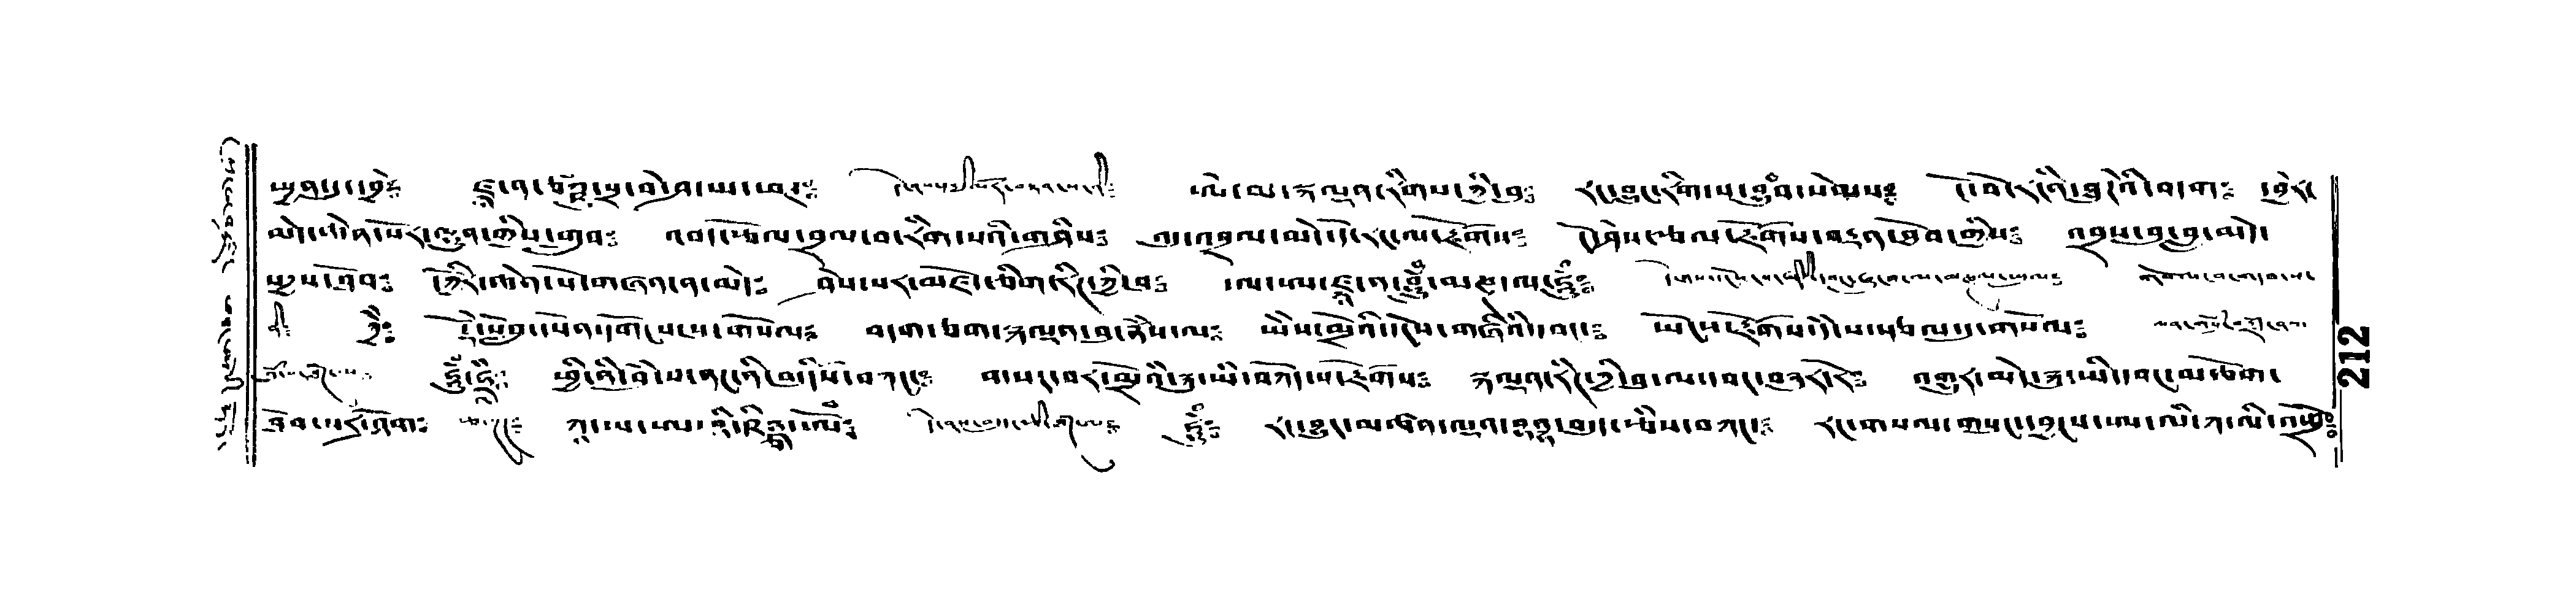སྤྱན་དུ་དབྱེ༔ ཛྙཱ་ན་ཙཀྵུ་པྲ་བེ་ཤ་ཡ་ཕཊཿ དེ་ནས་དཀྱིལ་འཁོར་བསྟན་པ་ནི༔ ཨེ་མ་སྐལ་ལྡན་རིགས་ཀྱི་བུ༔ རང་བྱུང་རིག་པ་བྱང་ཆུབ་སེམས༔ ངོ་བོ་རང་བཞིན་ཐུགས་རྗེའི་བདག༔ དབྱེར་
མེད་ཆེན་པོར་ལྷུན་གྱིས་གྲུབ༔ འབད་རྩོལ་བྲལ་བ་རིག་པའི་གཤིས༔ འདུ་འབྲལ་མེད་དོ་རང་ལ་རྫོགས༔ ངོ་ཤེས་རྩལ་རྫོགས་བརྟན་ཐོབ་གྱིས༔ འབྲས་བུ་བླ་མེད་
སངས་རྒྱས་ཐོབ༔ དཀྱིལ་འཁོར་ཆེན་པོ་གཞན་ན་མེད༔ ཤེས་པར་མཛོད་ཅིག་རིགས་ཀྱི་བུ༔ ཨ་ཨ་ཛྙཱ་ན་བྷྲཱུྃ་མཎྜ་ལ་ཧཱུྃ༔ དེ་ནས་དངོས་གཞིའི་དབང་ཞུ་བ་ལ་མཎྜལ་ཕུལ༔ གསོལ་བ་གདབ་པ་
ནི༔ ཀྱཻ༔ རྡོ་རྗེ་སློབ་དཔོན་དགོངས་སུ་གསོལ༔ བདག་ཅག་སྐལ་ལྡན་བུ་རྣམས་ལ༔ ཡེ་ཤེས་མཁའ་འགྲོའི་དངོས་གཞིའི་དབང༔ ཡོངས་རྫོགས་དམ་པ་བསྩལ་དུ་གསོལ༔ ལན་གསུམ་བརྗོད་ནས་
བུམ་པ་ཐོགས་ལ༔ ཧཱུྃ་ཧྲཱིཿ ཕྱི་ནི་བུམ་པ་ནང་ནི་བདུད་རྩིས་བཀང༔ གསང་བར་མཁའ་འགྲོའི་སྐུ་ཡི་བཀོད་པ་རྫོགས༔ སྐལ་ལྡན་རིགས་ཀྱི་བུ་ལ་དབང་བསྐུར་རོ༔ འགྱུར་མེད་སྐུ་ཡི་དབང་མཆོག་
ཐོབ་པར་ཤོག༔ རྩ་སྔགས༔ ཀཱ་ཡ་ཨ་བྷི་རིཉྩ་ཨོཾ༔ དེ་བས་བདུད་རྩི་ཐོགས་ལ༔ ཧཱུྃ༔ རང་བྱུང་མཚན་ལྡན་བྷནྡྷ་བདུད་རྩིས་བཀང༔རང་གསལ་གསུང་དབྱངས་ཨ་ལི་ཀ་ལི་འཕྲོ༔